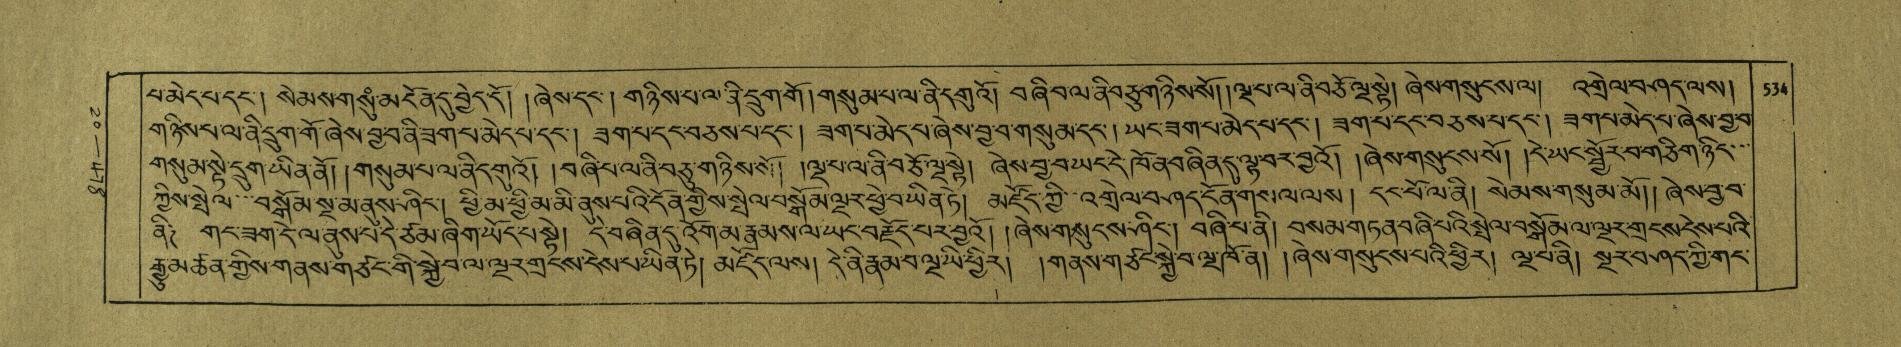པ་མེད་པ་དང་། སེམས་གསུཾ་མངོན་དུ་བྱེད་དོ། །ཞེས་དང་། གཉིས་པ་ལ་ནི་དྲུག་གོ། གསུམ་པ་ལ་ནི་དགུའོ། བཞི་པ་ལ་ནི་བཅུ་གཉིས་སོ། །ལྔ་པ་ལ་ནི་བཅོ་ལྔ་སྟེ། ཞེས་གསུངས་ལ། འགྲེལ་བཤད་ལས།
གཉིས་པ་ལ་ནི་དྲུག་གོ་ཞེས་བྱ་བ་ནི་ཟག་པ་མེད་པ་དང་། ཟག་པ་དང་བཅས་པ་དང་། ཟག་པ་མེད་པ་ཞེས་བྱ་བ་གསུམ་དང་། ཡང་ཟག་པ་མེད་པ་དང་། ཟག་པ་དང་བཅས་པ་དང་། ཟག་པ་མེད་པ་ཞེས་བྱ་བ་
གསུམ་སྟེ་དྲུག་ཡིན་ནོ། །གསུམ་པ་ལ་ནི་དགུའོ། །བཞི་པ་ལ་ནི་བཅུ་གཉིས་སོ། །ལྔ་པ་ལ་ནི་བཅོ་ལྔ་སྟེ། ཞེས་བྱ་བ་ཡང་དེ་ཁོ་ན་བཞིན་དུ་ལྟ་བར་བྱའོ། །ཞེས་གསུངས་སོ། །དེ་ཡང་སྦྱོར་བ་གཅིག་ཉིད་
ཀྱིས་སྤེལ་བསྒོམ་སྔ་མ་ནུས་ཤིང་། ཕྱི་མ་ཕྱི་མ་མི་ནུས་པའི་དོན་གྱིས་སྤེལ་བསྒོམ་ལྔར་ཕྱེ་བ་ཡིན་ཏེ། མཛོད་ཀྱི་འགྲེལ་བཤད་ངོན་གསལ་ལས། དང་པོ་ལ་ནི། སེམས་གསུམ་མོ། །ཞེས་བྱ་བ་
ནི༑ གང་ཟག་དེ་ལ་ནུས་པ་དེ་ཙམ་ཞིག་ཡོད་པ་སྟེ། དེ་བཞིན་དུ་འོག་མ་རྣམས་ལ་ཡང་བརྗོད་པར་བྱའོ། །ཞེས་གསུངས་ཤིང་། བཞི་པ་ནི། བསམ་གཏན་བཞི་པའི་སྤེལ་བསྒོམ་ལ་ལྔར་གྲངས་ངེས་པའི་
རྒྱུ་མཚན་གྱིས་གནས་གཙང་གི་སྐྱེ་བ་ལ་ལྔར་གྲངས་ངེས་པ་ཡིན་ཏེ། མཛོད་ལས། དེ་ནི་རྣམ་པ་ལྔ་ཡི་ཕྱིར། །གནས་གཙང་སྐྱེ་བ་ལྔ་ཁོ་ན། །ཞེས་གསུངས་པའི་ཕྱིར། ལྔ་པ་ནི། སྔར་བཤད་ཀྱི་གང་